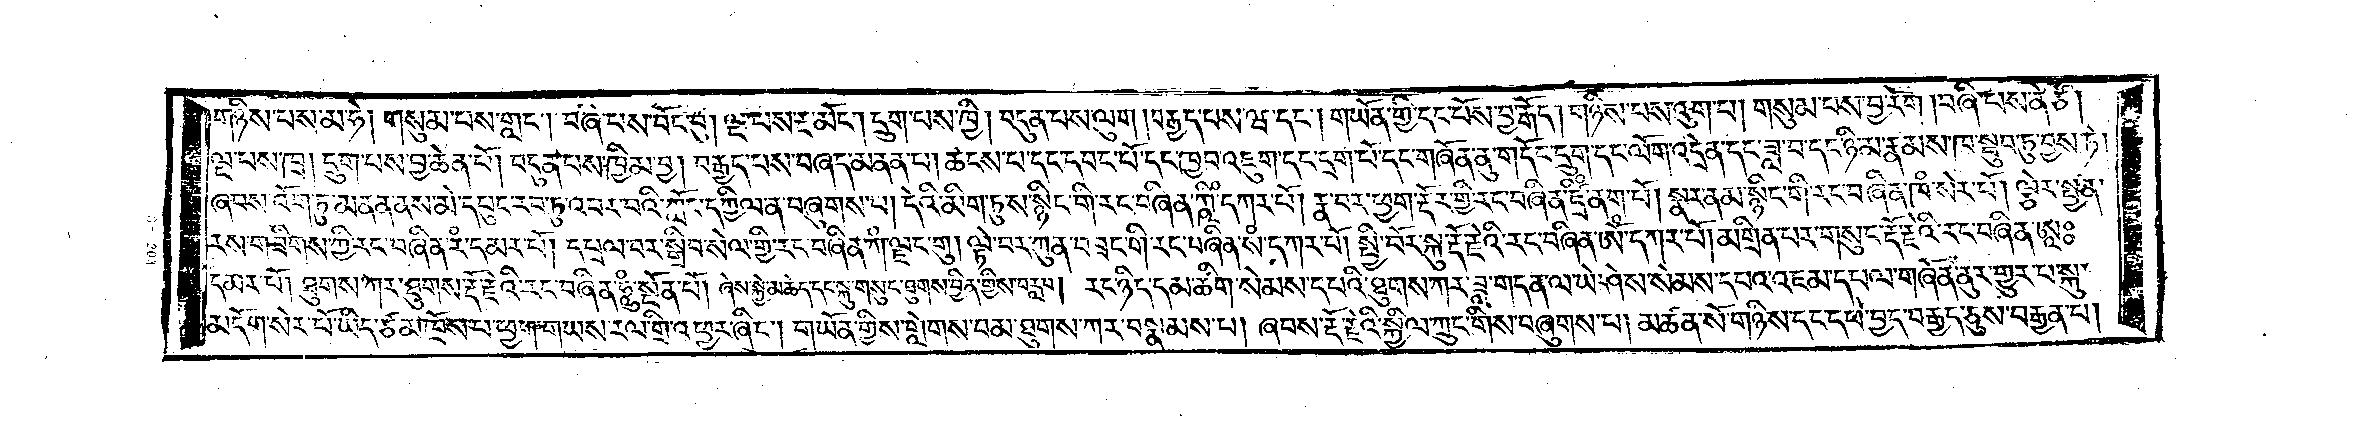གཉིས་པས་མ་ཧེ། གསུམ་པས་གླང་། བཞི་པས་བོང་བུ། ལྔ་པས་རྔ་མོང་། དྲུག་པས་ཁྱི། བདུན་པས་ལུག །བརྒྱད་པས་ཝ་དང་། གཡོན་གྱི་དང་པོས་བྱ་རྒོད། གཉིས་པས་འུག་པ། གསུམ་པས་བྱ་རོག །བཞི་པས་ནེ་ཙོ།
ལྔ་པས་ཁྲ། དྲུག་པས་བྱ་ཆེན་པོ། བདུན་པས་ཁྱིམ་བྱ། བརྒྱད་པས་བཞད་མནན་པ། ཚངས་པ་དང་དབང་པོ་དང་ཁྱབ་འཇུག་དང་དྲག་པོ་དང་གཞོན་ནུ་གདོང་དྲུག་དང་ལོག་འདྲེན་དང་ཟླ་བ་དང་ཉི་མ་རྣམས་ཁ་སྦུབ་ཏུ་བྱས་ཏེ།
ཞབས་འོག་ཏུ་མནན་ནས་མེ་དཔུང་རབ་ཏུ་འབར་བའི་ཀློང་དཀྱིལ་ན་བཞུགས་པ། དེའི་མིག་ཏུས་སྙིང་གི་རང་བཞིན་ཀྵིཾ་དཀར་པོ། རྣ་བར་ཕྱག་རྡོར་གྱི་རང་བཞིན་ཛྲིཾ་ནག་པོ། སྣར་ནམ་སྙིང་གི་རང་བཞིན་ཁཾ་སེར་པོ། ལྕེར་སྤྱན་
རས་གཟིགས་ཀྱི་རང་བཞིན་རཾ་དམར་པོ། དཔྲལ་བར་སྒྲིབ་སེལ་གྱི་རང་བཞིན་ཀཾ་ལྗང་གུ། ལྟེ་བར་ཀུན་བཟང་གི་རང་བཞིན་སཾ་དཀར་པོ། སྤྱི་བོར་སྐུ་རྡོ་རྗེའི་རང་བཞིན་ཨོཾ་དཀར་པོ། མགྲིན་པར་གསུང་རྡོ་རྗེའི་རང་བཞིན་ཨཱཿ
དམར་པོ། ཐུགས་ཀར་ཐུགས་རྡོ་རྗེའི་རང་བཞིན་ཧཱུཾ་སྔོན་པོ། ཞེས་སྐྱེ་མཆེད་དང་སྐུ་གསུང་ཐུགས་བྱིན་གྱིས་བརླབ།  རང་ཉིད་དམ་ཚིག་སེམས་དཔའི་ཐུགས་ཀར་ཟླ་གདན་ལ་ཡེ་ཤེས་སེམས་དཔའ་འཇམ་དཔལ་གཞོན་ནུར་གྱུར་པ་སྐུ་
མདོག་སེར་པོ་ཡིད་ཙམ་ཁྲོས་པ་ཕྱག་གཡས་རལ་གྲི་འཕྱར་ཞིང་། གཡོན་གྱིས་གླེགས་བམ་ཐུགས་ཀར་བསྣམས་པ། ཞབས་རྡོ་རྗེའི་སྐྱིལ་ཀྲུང་གིས་བཞུགས་པ། མཚན་སོ་གཉིས་དང་དྥེ་བྱད་བརྒྱད་ཅུས་བརྒྱན་པ།